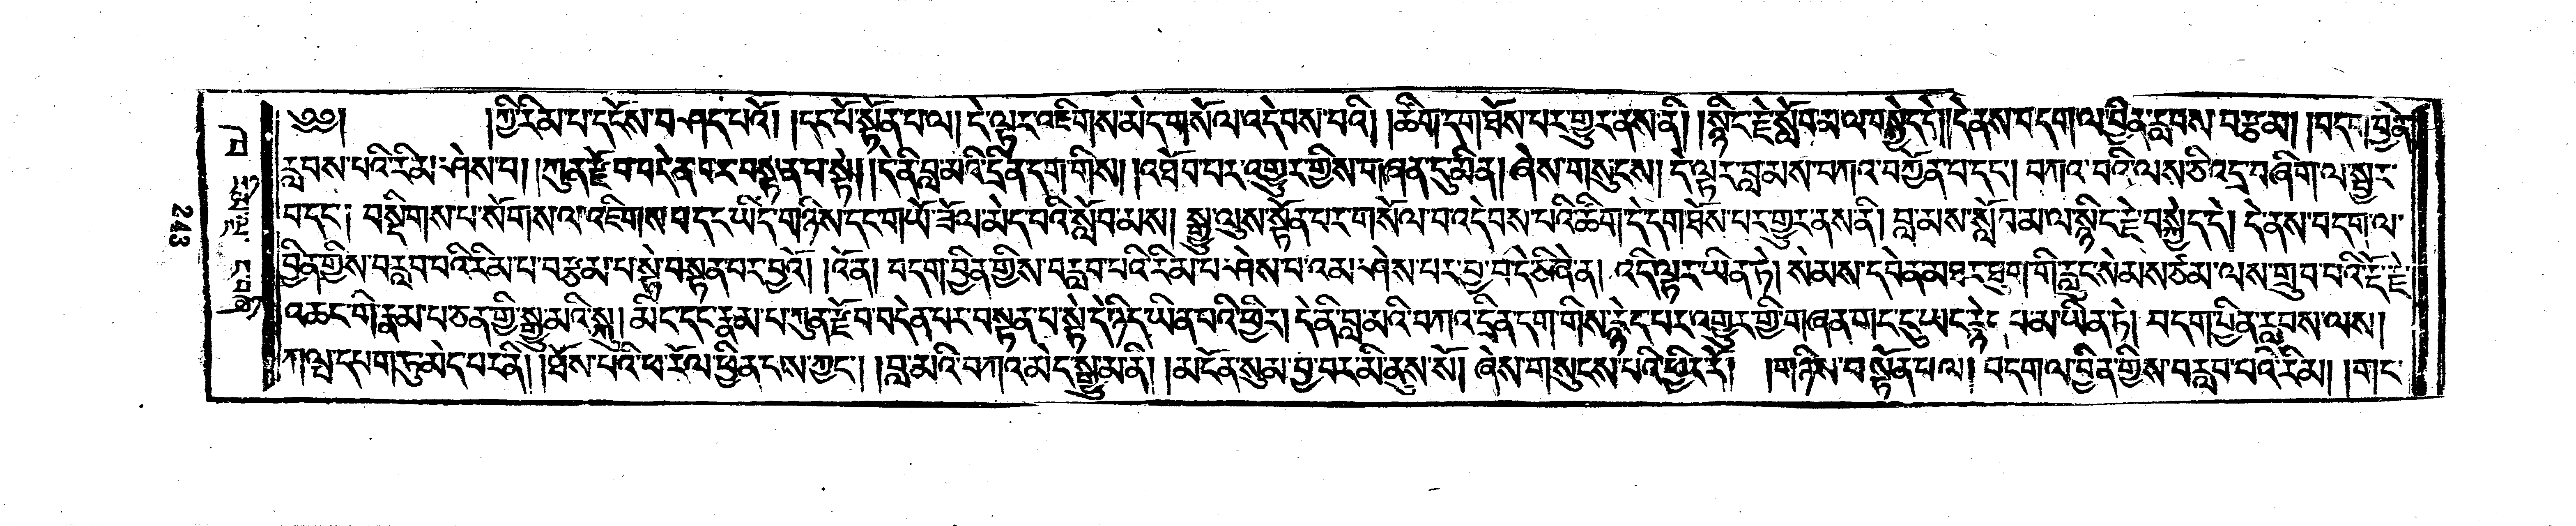༄༅། །ཀྱི་རིམ་པ་དངོས་བཤད་པའོ། །དང་པོ་སྟོན་པ་ལ། དེ་ལྟར་འཇིགས་མེད་གསོལ་འདེབས་པའི། །ཚིག་དག་ཐོས་པར་གྱུར་ནས་ནི། །སྙིང་རྗེ་སློབ་མ་ལ་བསྐྱེད་དེ། །དེ་ནས་བདག་ལ་བྱིན་རླབས་བརྩམ། །བདག་བྱིན་
རླབས་པའི་རིམ་ཤེས་པ། །ཀུན་རྫོབ་བདེན་པར་བསྟན་པ་སྟེ། །དེ་ནི་བླ་མའི་དྲིན་དག་གིས། །འཐོབ་པར་འགྱུར་གྱིས་གཞན་དུ་མིན། ཞེས་གསུངས། དེ་ལྟར་བླ་མས་བཀའ་བཀྱོན་པ་དང་། དཀའ་བའི་ལས་ཅི་འདྲ་བ་ཞིག་ལ་སྦྱར་
བ་དང་། བསྡིགས་པ་སོགས་ལ་འཇིགས་པ་དང་ཡིད་གཉིས་དང་གཡོ་ཟོལ་མེད་པའི་སློབ་མས། སྒྱུ་ལུས་སྟོན་པར་གསོལ་བ་འདེབས་པའི་ཚིག་དེ་དག་ཐོས་པར་གྱུར་ནས་ནི། བླ་མས་སློབ་མ་ལ་སྙིང་རྗེ་བསྐྱེད་དེ། དེ་ནས་བདག་ལ་
བྱིན་གྱིས་བརླབ་པའི་རིམ་པ་བརྩམ་པ་སྟེ་བསྟན་པར་བྱའོ། །འོ་ན། བདག་བྱིན་གྱིས་བརླབ་པའི་རིམ་པ་ཤེས་པ་འམ་ཤེས་པར་བྱ་བ་དེ་ཅི་ཞེ་ན། འདི་ལྟར་ཡིན་ཏེ། སེམས་དབེན་མཐར་ཐུག་གི་རླུང་སེམས་ཙམ་ལས་གྲུབ་པའི་རྡོ་རྗེ་
འཆང་གི་རྣམ་པ་ཅན་གྱི་སྒྱུ་མའི་སྐུ། མིང་དང་རྣམ་པ་ཀུན་རྫོབ་བདེན་པར་བསྟན་པ་སྟེ་དེ་ཉིད་ཡིན་པའི་ཕྱིར། དེ་ནི་བླ་མའི་བཀའ་དྲིན་དག་གིས་རྙེད་པར་འགྱུར་གྱི་གཞན་གང་དུ་ཡང་རྙེད་པ་མ་ཡིན་ཏེ། བདག་བྱིན་རླབས་ལས།
ཀལྤ་དཔག་ཏུ་མེད་པར་ནི། །ཐོས་པའི་ཕ་རོལ་ཕྱིན་པས་ཀྱང་། །བླ་མའི་བཀའ་མེད་སྒྱུ་མ་ནི། །མངོན་སུམ་བྱ་བར་མི་ནུས་སོ། ཞེས་གསུངས་པའི་ཕྱིར་རོ། །གཉིས་པ་སྟོན་པ་ལ། བདག་ལ་བྱིན་གྱིས་བརླབ་པའི་རིམ། །གང་